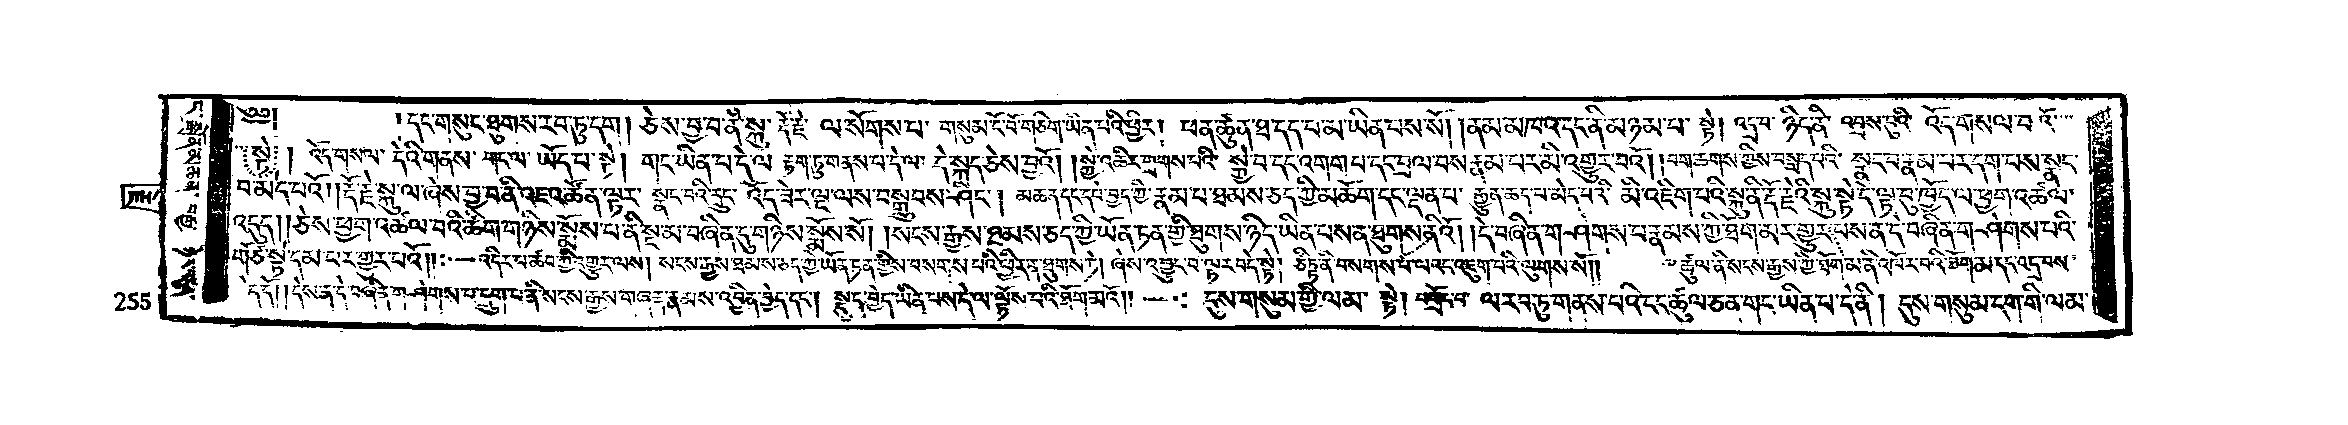༄༅། །དང་གསུང་ཐུགས་རབ་ཏུ་དག །ཅེས་བྱ་བ་ནི་སྐུ་རྡོ་རྗེ་ལ་སོགས་པ་གསུམ་ངོ་བོ་གཅིག་ཡིན་པའི་ཕྱིར།  ཕན་ཚུན་ཐ་དད་པ་མ་ཡིན་པས་སོ། །ནམ་མཁའ་དང་ནི་མཉམ་པ་སྟེ། འདྲ་བ་ཉིད་ནི་འབྲས་བུའི་འོད་གསལ་བའོ་
སྟེ། འོད་གསལ་དེའི་གནས་གང་ལ་ཡོད་པ་སྟེ། གང་ཡིན་པ་དེ་ལ་རྟག་ཏུ་གནས་པ་དེ་ལ་དེ་སྐད་ཅེས་བྱའོ། ། སྐྱེ་འཆིར་གྲགས་པའི་སྐྱེ་བ་དང་འགག་པ་དང་བྲལ་བས་རྣམ་པར་མི་འགྱུར་བའོ། ། བག་ཆགས་ཀྱིས་བསླད་པའི་སྣང་བ་རྣམ་པར་དག་པས་སྣང་
བ་མེད་པའོ། །རྡོ་རྗེ་སྐུ་ལ་ཞེས་བྱ་བ་ནི་འཇའ་ཚོན་ལྟར་སྣང་བའི་རླུང་འོད་ཟེར་ལྔ་ལས་བསྒྲུབས་ཤིང་། མཚན་དང་དཔེ་བྱད་ཀྱི་རྣམ་པ་ཐམས་ཅད་ཀྱི་མཆོག་དང་ལྡན་པ་རྒྱུན་ཆད་པ་མེད་པའི་མི་འཇིག་པའི་སྐུ་ནི་རྡོ་རྗེའི་སྐུ་སྟེ་དེ་ལྟ་བུ་ཁྱོད་ལ་ཕྱག་འཚལ་
འདུད། །ཅེས་ཕྱག་འཚལ་བའི་ཚིག་གཉིས་སྨོས་པ་ནི་སྔ་མ་བཞིན་དུ་གཉིས་སྨོས་སོ། །སངས་རྒྱས་ཐམས་ཅད་ཀྱི་ཡོན་ཏན་གྱི་ཐུགས་ཉིད་ཡིན་པས་ན་ཐུགས་ནིའོ། །དེ་བཞིན་གཤེགས་པ་རྣམས་ཀྱི་ཐོག་མར་གྱུར་པས་ན་དེ་བཞིན་གཤེགས་པའི་
གཙོ་སྟེ་དམ་པར་གྱུར་པའོ།། འདིར་པ་ཚབ་ཀྱི་འགྱུར་ལས། སངས་རྒྱས་ཐམས་ཅད་ཀྱི་ཡོན་ཏན་གྱིས་བསགས་པའི་ཕྱིར་ན་ཐགས་ཏེ། ཞེས་འབྱུང་བ་ལྟར་བདེ་སྟེ། ཙིཏྟ་ནི་བསགས་པ་ལའང་འཇུག་པའི་ལུགས་སོ།། ༧ཚུལ་ནི་སངས་རྒྱས་ཀྱི་ཐོག་མ་ནི་འཁོར་བའི་ཐོག་མ་དང་འདྲ་བས་
མེད་དོ། །དེས་ན་དེ་བཞིན་གཤེགས་པ་དྲུག་པ་ནི་སངས་རྒྱས་གཞན་རྣམས་འབྱིན་བྱེད་དང་། སྡུད་བྱེད་ཡིན་པས་དེ་ལ་ལྟོས་པའི་ཐོག་མའོ།། དུས་གསུམ་གྱི་ལམ་སྟེ། བགྲོད་པ་ལ་རབ་ཏུ་གནས་པའི་ངང་ཚུལ་ཅན་གང་ཡིན་པ་དེ་ནི། དུས་གསུམ་དག་གི་ལམ་